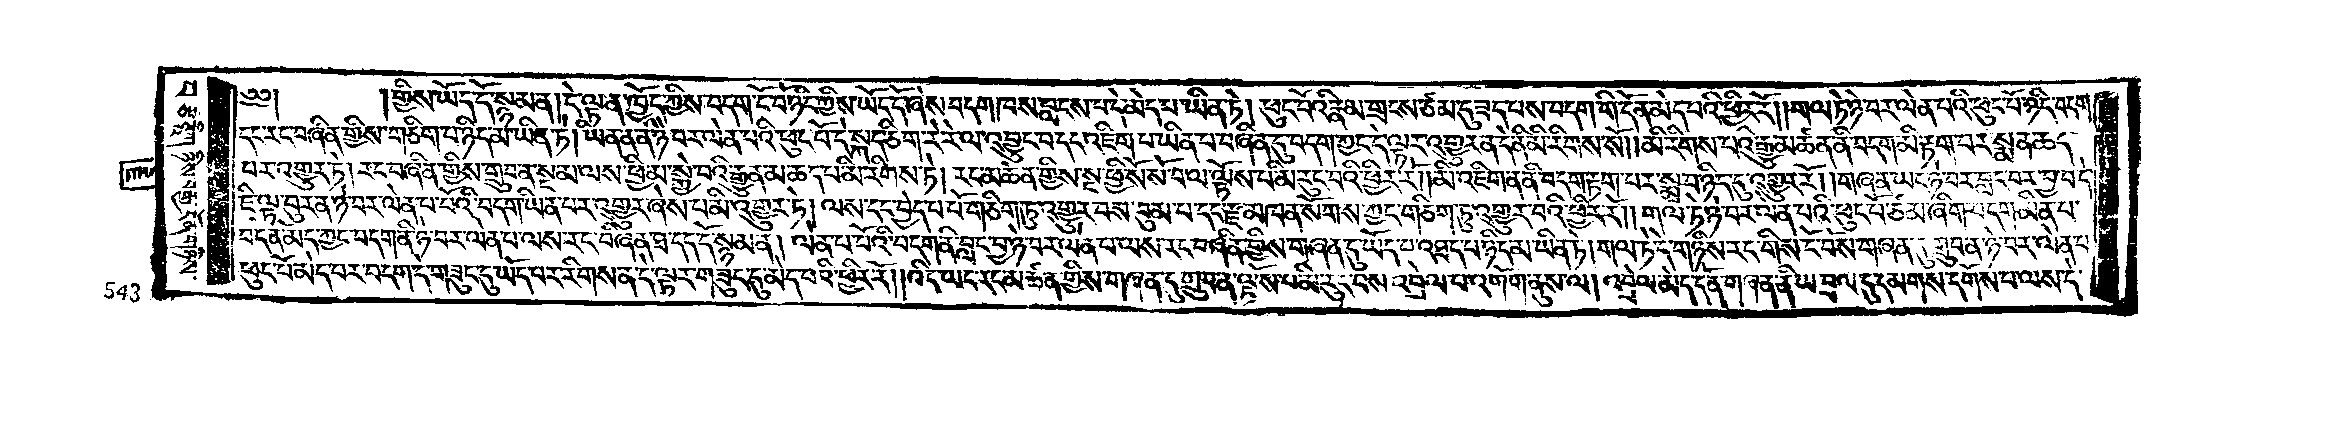༄༅། །གྱིས་ཡོད་དོ་སྙམ་ན། དེ་ལྟ་ན་ཁྱོད་ཀྱིས་བདག་ངོ་བོ་ཉིད་ཀྱིས་ཡོད་དོ་ཞེས་བདག་ཁས་བླངས་པ་དེ་མེད་པ་ཡིན་ཏེ། ཕུང་པོའི་རྣམ་གྲངས་ཙམ་དུ་ཟད་པས་བདག་གི་དོན་མེད་པའི་ཕྱིར་རོ། །གལ་ཏེ་ཉེ་བར་ལེན་པའི་ཕུང་པོ་ཉིད་བདག་
དང་རང་བཞིན་གྱིས་གཅིག་བ་ཉིད་མ་ཡིན་ཏེ། ཡིན་ན་ནི་ཉེ་བར་ལེན་པའི་ཕུང་པོ་དེ་སྐད་ཅིག་རེ་རེ་ལ་འབྱུང་བ་དང་འཇིག་པ་ཡིན་པ་བཞིན་དུ་བདག་ཀྱང་དེ་ལྟར་འགྱུར་ན་དེ་ནི་མི་རིགས་སོ། །མི་རིགས་པའི་རྒྱུ་མཚན་ནི་བདག་མི་རྟག་པར་སྨན་ཆད་
པར་འགྱུར་ཏེ། རང་བཞིན་གྱིས་གྲུབ་ན་སྔ་མ་ལས་ཕྱི་མ་སྐྱེ་བའི་རྒྱུན་མ་འཆད་པ་མི་རིགས་ཏེ། རང་མཚན་གྱིས་སྔ་ཕྱི་སོ་སོ་བ་ལ་ལྟོས་པ་མི་རུང་བའི་ཕྱིར་རོ། །མི་འཇིག་ན་ནི་བདག་རྟག་པར་སྨྲ་བ་ཉིད་དུ་འགྱུར་རོ། །གཞན་ཡང་ཉེ་བར་བླང་བར་བྱ་བ་དེ་
ཇི་ལྟ་བུར་ན་ཉེ་བར་ལེན་པ་པོའི་བདག་ཡིན་པར་འགྱུར་ཞེས་པ་མི་འགྱུར་ཏེ། ལས་དང་བྱེད་པ་པོ་གཅིག་ཏུ་འགྱུར་བས་བུམ་པ་དན་རྫ་མཁན་སོགས་ཀྱང་གཅིག་ཏུ་འགྱུར་བའི་ཕྱིར་རོ། །གལ་ཏེ་ཉེ་བར་ལེན་པའི་ཕུང་པོ་ཙམ་ཞིག་བདག་མིན་པ་
བདེན་མེད་ཀྱང་བདག་ནི་ཉེ་བར་ལེན་པ་ལས་རང་བཞིན་ཐ་དད་དོ་སྙམ་ན། ལེན་པ་པོའི་བདག་ནི་བླང་བྱ་ཉེ་བར་ལེན་པ་ལ་རག་བཞིན་གྱིས་གཞན་དུ་ཡོད་པ་འཐད་པ་ཉིད་མ་ཡིན་ཏེ། གལ་ཏེ་དེ་གཉིས་རང་གི་ངོ་བོས་གཞན་དུ་གྲུབ་ན་ཉེ་བར་ལེན་པ་
ཕུང་པོ་མེད་པར་བདག་དེ་གཟུང་དུ་ཡོད་བར་རིགས་ན་དེ་ལྟར་གཟུང་དུ་མེད་པའི་ཕྱིར་རོ། །འདི་ཡང་རང་མཚན་གྱིས་གཞན་དུ་གྲུབ་ན་ལྟོས་པ་མི་རུང་བས་འབྲེལ་པ་འགོག་ནུས་ལ། འབྲེལ་མེད་དོན་གཞན་ནི་ཡ་བྲལ་དུ་དམིགས་དགོས་པ་ལས་དེ་